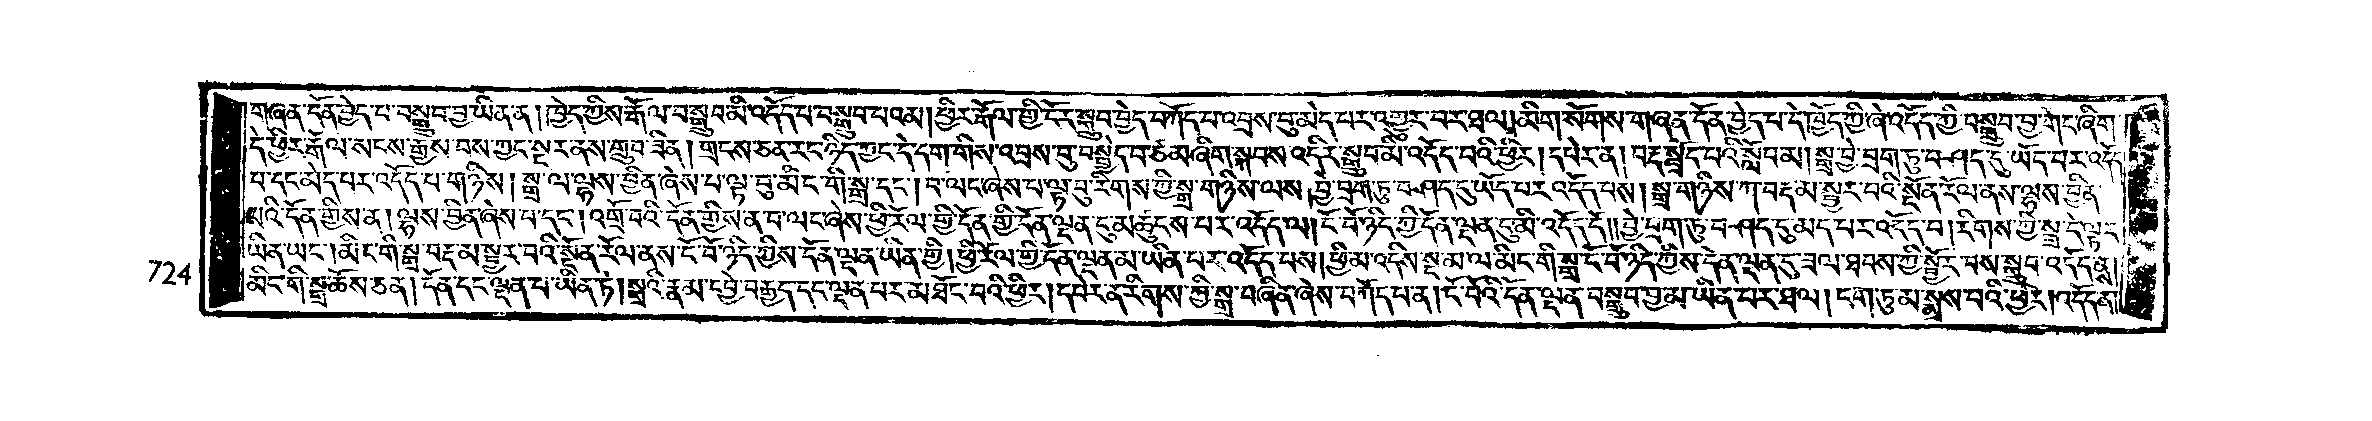གཞན་དོན་བྱེད་པ་བསྒྲུབ་བྱ་ཡིན་ན། ཁྱེད་ཀྱིས་རྒོལ་བ་སྒྲུབ་མི་འདོད་པ་བསྒྲུབ་པ་འམ་། ཕྱིར་རྒོལ་གྱི་ངོར་སྒྲུབ་བྱེད་བཀོད་པ་འབྲས་བུ་མེད་པར་འགྱུར་བར་ཐལ། མིག་སོགས་གཞན་དོན་བྱེད་པ་དེ་ཁྱོད་ཀྱི་ཞེ་འདོད་ཀྱི་བསྒྲུབ་བྱ་གོང་ཞིག་
དེ་ཐིར་རྒོལ་སྒྣས་རྷྱས་བས་ཀྱང་སྔར་ནས་གྲུབ་ཟིན། གྲངས་ཅན་རང་ཉིད་ཀྱང་དེ་དག་གིས་འབྲས་བུ་བསྐྱེད་བ་ཙམ་ཞིག་སྐབས་འདིར་སྒྲུབ་མི་འདོད་པའི་ཕྱིར། དཔེར་ན། བརད་སྦྲོད་པའི་སློབ་མ། སྒྲ་བྱེ་བྲག་ཏུ་བཤད་དུ་ཡེད་པར་འདོད་
པ་དང་མེད་པར་འདེད་པ་གཉིས། སྒྲ་ལ་ཤས་བྱེན་ཞེས་པ་སྟ་བུ་མིང་གི་སྒ་དང་། བ་ལང་ཞས་པ་ལྟ་དུ་རྒས་ཀྱི་སྒྲ་གཉིས་ལས།བྱེ་བྲག་ཏུ་བཤད་དུ་ཡོད་པར་།འདོད་པས། སྒྲ་བྙིས་ཀ་བརྡ་མ་སྦྱར་བའི་སྐོན་རོལ་ནས་ལྷས་བྱིན་
པའི་དོན་གྱིས་ན། ལྷལ་བྱིན་ཞེས་པ་དང་། འགྲ་བའི་དན་གྱིས་ན་བ་ལང་ཞས་ཕྱི་རོལ་གྱིདོན་གྱི་དོན་ལྡན་དུ་མཚུངས་པར་འདོད་ལ། ངོ་བོ་ཉིད་ཀྱི་དོན་ལྡན་དུ་མི་འདོད་དོ།། བྱེ་བྲག་ཡུ་བཤད་དུ་མད་པར་འདོད་པ་རོགས་ཀྱི་སྒར་དེ་ལྟར་
ཡིན་ཡང་། མིང་གི་སྒྲ་བརྒ་མ་སྦྱར་བཱི་སྡོན་རོལ་ནས་ངོ་བོ་ཉིད་ཀྱིས་དོན་ལྡན་ཡིན་གྱི། ཕྱི་རོལ་གྱི་དོན་ལྡན་མ་ཡིན་པར་འདོད་པས། ཕྱི་མ་འདིས་སང་མ་ལ་མིང་གོ་སྒྲ་ངོ་བོ་ཉིད་ཀྱིས་དེན་ལྡན་དུ་ཟལ་ཐྦས་ཀྱི་སྦྱོར་བས་སྒྲུབ་འདོད་ན་
མིན་གི་སྒྲ་ཆོས་ཅན། དོན་དང་ལྡན་པ་ཡིན་ཏེ། སྒྲའི་རྣམ་དབྱེ་བརྒྱད་དང་ལྡན་པར་མཐོང་བའི་ཕྱིར། དབེར་ན་རིགས་ཀྱི་སྐྲ་བཞིན་ཞེས་བཀོད་པ་ན། ངོ་བོའི་དོན་ལྡན་བསྒྲུབ་ཀྱ་མ་ཡིན་པར་ཐལ། དག་ཏུ་མ་སྨྲས་བའི་ཕྱིར། འདོད་ན་